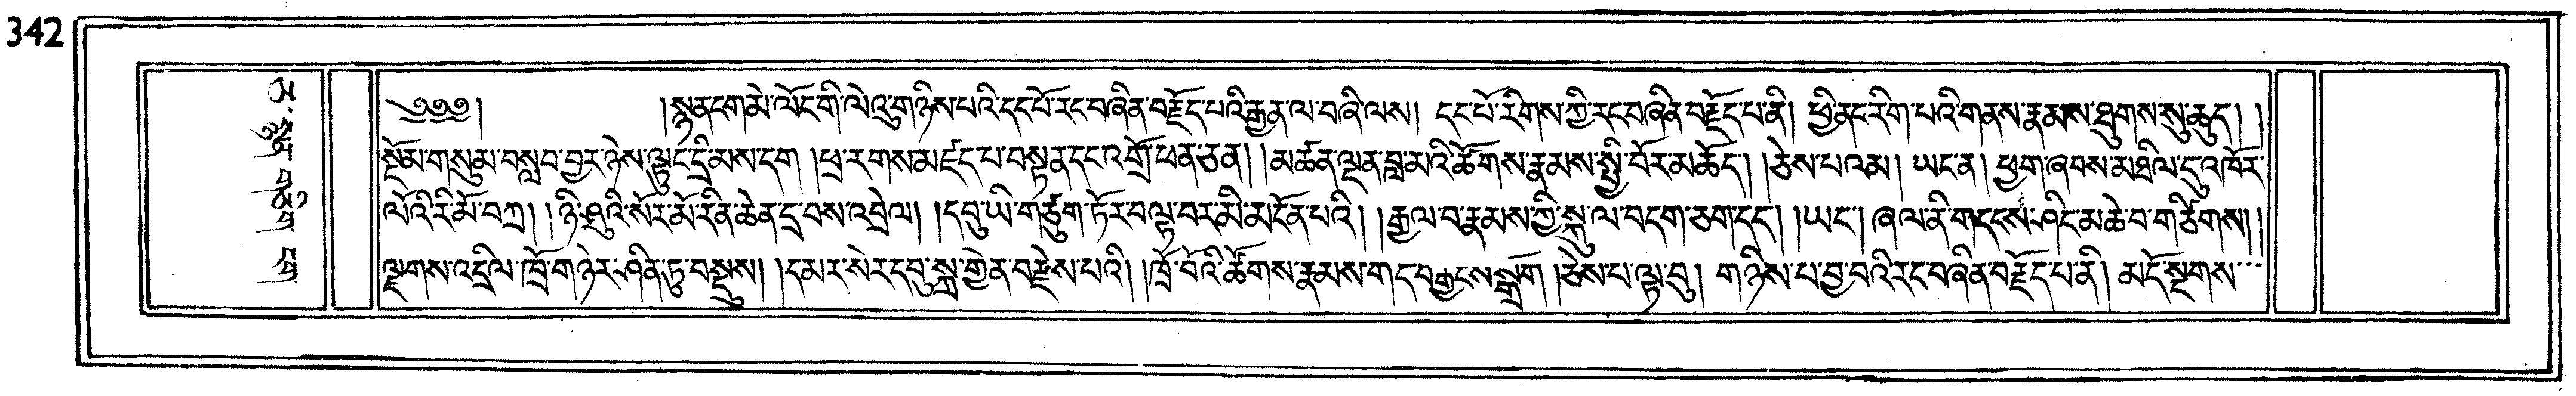༄༅། །སྙན་ངག་མེ་ལོང་གི་ལེའུ་གཉིས་པའི་དང་པོར་རང་བཞིན་བརྗོད་པའི་རྒྱན་ལ་བཞི་ལས། དང་པོ་རིགས་ཀྱི་རང་བཞིན་བརྗོད་པ་ནི། ཕྱི་ནང་རིག་པའི་གནས་རྣམས་ཐུགས་སུ་ཆུད། །
སྔོམ་གསུམ་བསླབ་བྱར་ཉེས་ལྟུང་དྲི་མས་དག །ཕྲ་རགས་མཛད་པ་བསྟན་དང་འགྲོ་ཕན་ཅན། །མཚན་ལྡན་བླ་མའི་ཚོགས་རྣམས་སྤྱི་བོར་མཆོད། །ཅེས་པའམ། ཡང་ན། ཕྱག་ཞབས་མཐིལ་དུ་འཁོར་
ལོའི་རི་མོ་བཀྲ། །ཉི་ཤུའི་སོར་མོ་རིན་ཆེན་དྲ་བས་འབྲེལ། །དབུ་ཡི་གཙུག་ཏོར་བལྟ་བར་མི་མངོན་པའི། །རྒྱལ་བ་རྣམས་ཀྱི་སྐུ་ལ་བདག་ཅག་དང་། །ཡང་། ཞལ་ནི་གདངས་ཤིང་མཆེ་བ་གཙིགས། །
ལྗགས་འདྲིལ་ཁྲོ་གཉེར་ཤིན་ཏུ་བསྡུས། །དམར་སེར་དབུ་སྐྲ་གྱེན་བརྫེས་པའི། །ཁྲོ་བོའི་ཚོགས་རྣམས་གང་བརྒྱངས་སྒྲོག། །ཅེས་པ་ལྟ་བུ། གཉིས་པ་བྱ་བའི་རང་བཞིན་བརྗོད་པ་ནི། མདོ་སྔགས་